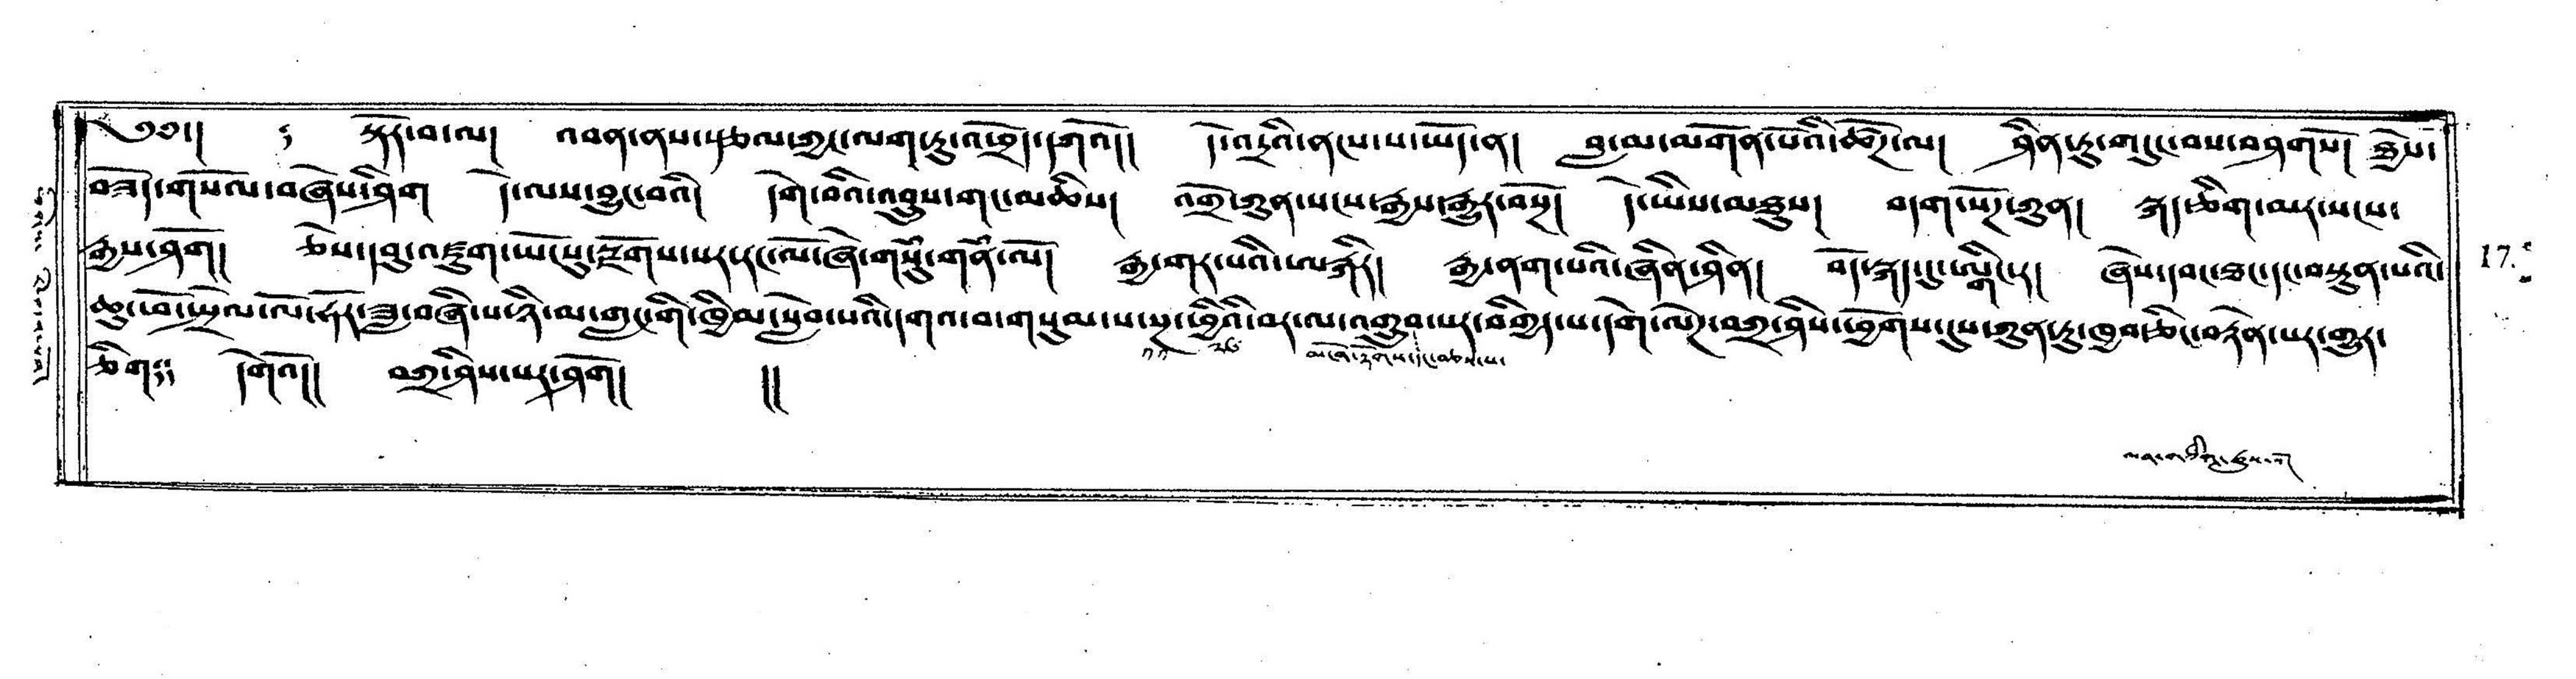སྟོར་བ་ལ། འབན་ནས་སྩལ་ཀྱང་ལག་ཏུ་འཕྲོད་དཀའོ།། དེ་འདྲའི་ནོངས་པ་ཡོད་ན། བླ་མ་མགོན་པོའི་ཚོགས་ལ། ཤིན་ཏུ་གདུང་བས་བཤགས་སོ། ཐུགས་རྗེས་
བཟོད་གསོལ་བཞེས་ཤིག དེ་ལས་བྱུང་བའི། དགེ་བའི་འབྲས་བུ་གང་མཆིས། འགྲོ་ཀུན་སངས་རྒྱས་རྒྱུར་བསྔོ། དེ་ཡིས་མཐུས། བདག་སོགས་ཀུན། སྐད་ཅིག་མར་སངས་
རྒྱས་ཤོག ཅེས་དབུ་འཛུག་ཡོངས་སུ་རྫོགས་པར་རང་ལོ་ཞེ་གསུམ་གནམ་ལོ། རྒྱ་གར་པའི་ཨརྐིར། རྒྱ་ནག་པའི་ཞིན་ཤིན། བོད་སྐད་དུ་ཨྒིང་ར། ཞེས་དབང་ཐང་དང་བསྟུན་པའི་
ཆུ་ཕོ་སྤྲེལ་ལོ་ཧོར་ཟླ་བཞི་པ་ཉི་མ་གླང་གི་ཁྱིམ་སླེབ་པའི་དགའ་བ་གསུམ་པ་སྔ་ཕྱིའི་བར་ལ་འགྲུབ་(མངོན་རྟོགས་དང་བཅས་པ་)པར་བགྱིད་པ་དགེ་ལེགས་བཀྲ་ཤིས་ཕྱོགས་དུས་ཀུན་ཏུ་ཁྱབ་ཅིང་བརྟེན་པར་གྱུར་
ཅིག དགེའོ།། བཀྲ་ཤིས་པར་ཤོག །།